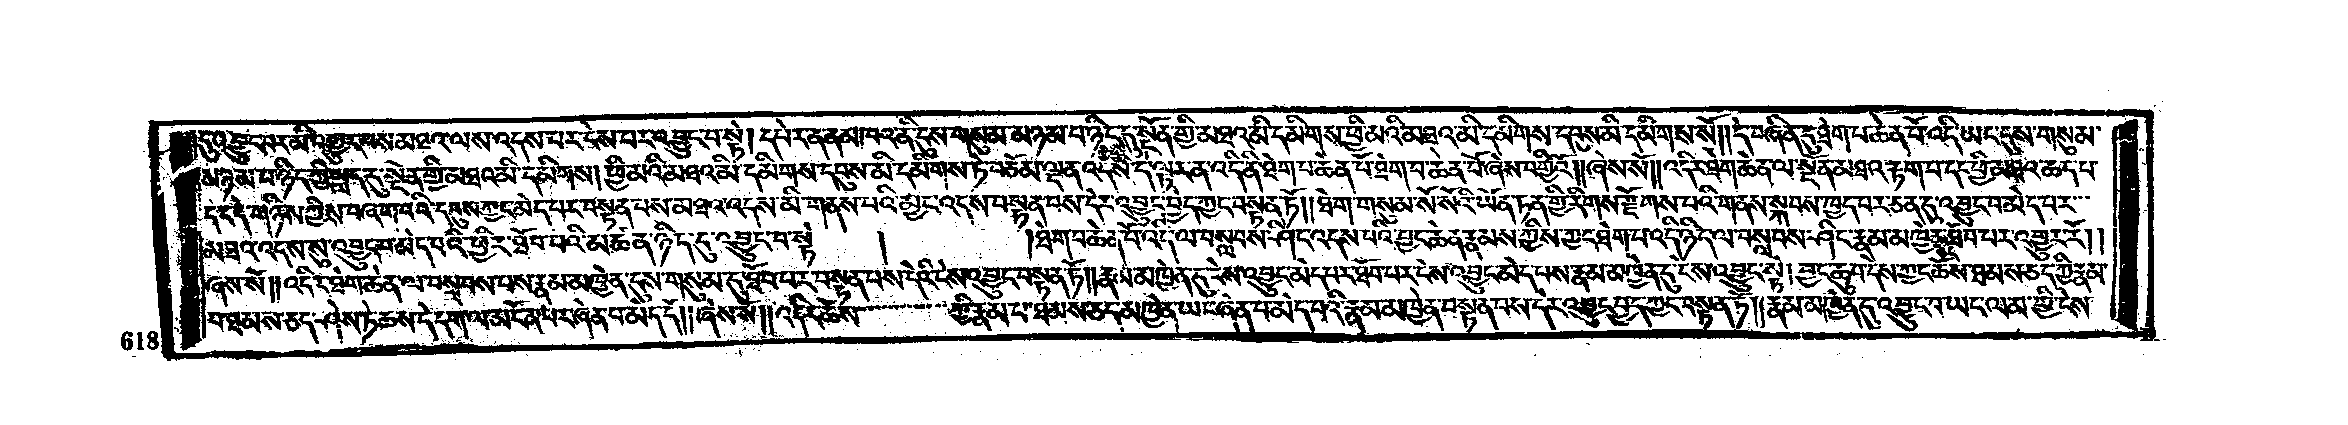དུ་འབྱུང་བར་མི་འགྱུར་བས་མཐའ་ལས་འདས་པར་ངེས་པར་འབྱུང་བ་སྟེ། དཔེར་ན་ནམ་མཁའ་ནི་དུས་གསུམ་མཉམ་པ་ཉིད་ཀྱི་བར་དུ་སྔོན་གྱི་མཐའ་མི་དམིགས་ཕྱི་མའི་མཐའ་མི་དམིགས་དབུས་མི་དམིགས་སོ། །དེ་བཞིན་དུ་ཐེག་པ་ཆེན་པོ་འདི་ཡང་དུས་གསུམ་
མཉམ་པ་ཉིད་ཀྱི་སླད་དུ་སྔོན་གྱི་མཐའ་མི་དམིགས། ཕྱི་མའི་མཐའ་མི་དམིགས་དབུས་མི་དམིགས་ཏེ་བཅོམ་ལྡན་འདས་དེ་ལྟར་ན་འདི་ནི་ཐེག་པ་ཆེན་པོ་ཐེག་པ་ཆེན་པོ་ཞེས་བགྱིའོ། །ཞེས་སོ། །འདིར་ཐེག་ཆེན་ལ་སྔོན་མཐའ་རྟག་པ་དང་ཕྱི་མཐའ་ཆད་པ་
དང་དེ་གཉིས་ཀྱིས་བཞག་པའི་དབུས་ཀྱང་མེད་པར་བསྟན་པས་མཐའ་འདས་མི་གནས་པའི་མྱང་འདས་བསྟན་པས་དེར་འབྱུང་བྱེད་ཀྱང་བསྟན་ཏོ། །ཐེག་གསུམ་སོ་སོའི་ཡོན་ཏན་གྱི་རིགས་རྫོགས་པའི་གནས་སྐབས་ཁྱད་པར་ཅན་དུ་འབྱུང་བ་མེད་པར་
མཐའ་འདས་སུ་འབྱུང་བ་མེད་པའི་ཕྱིར་ཐོབ་པའི་མཚན་ཉིད་དུ་འབྱུང་བ་སྟེ། །ཐེག་པ་ཆེན་པོ་འདི་ལ་བསླབས་ཤིང་འདས་པའི་བྱང་ཆེན་རྣམས་ཀྱིས་ཀྱང་ཐེག་པ་འདི་ཉིད་ལ་བསླབས་ཤིང་རྣམ་མཁྱེན་ཉིད་ཐོབ་པར་འགྱུར་རོ། །
ཞེས་སོ། །འདིར་ཐེག་ཆེན་ལ་བསླབས་པས་རྣམ་མཁྱེན་དུས་གསུམ་དུ་ཐོབ་པར་བསྟན་པས་དེའི་ངེས་འབྱུང་བསྟན་ཏོ། །རྣམ་མཁྱེན་དུ་ངེས་འབྱུང་མེད་པར་ཐོབ་པར་ངེས་འབྱུང་མེད་པས་རྣམ་མཁྱེན་དུ་ངེས་འབྱུང་སྟེ། བྱང་ཆུབ་དེས་ཀྱང་ཆོས་ཐམས་ཅད་ཀྱི་རྣམ་
པ་ཐམས་ཅད་ཤེས་ཏེ་ཆས་དེ་དག་ལ་མངོན་པར་ཞེན་པ་མེད་དོ། །ཞེས་སོ། །འདིར་ཆོས་ཀྱི་རྣམ་པ་ཐམས་ཅད་མཁྱེན་ཡང་ཞེན་པ་མེད་པའི་རྣམ་མཁྱེན་བསྟན་པས་དེར་འབྱུང་བྱེད་ཀྱང་བསྟན་ཏོ། །རྣམ་མཁྱེན་དུ་འབྱུང་བ་ཡང་ལམ་གྱི་ངེས་